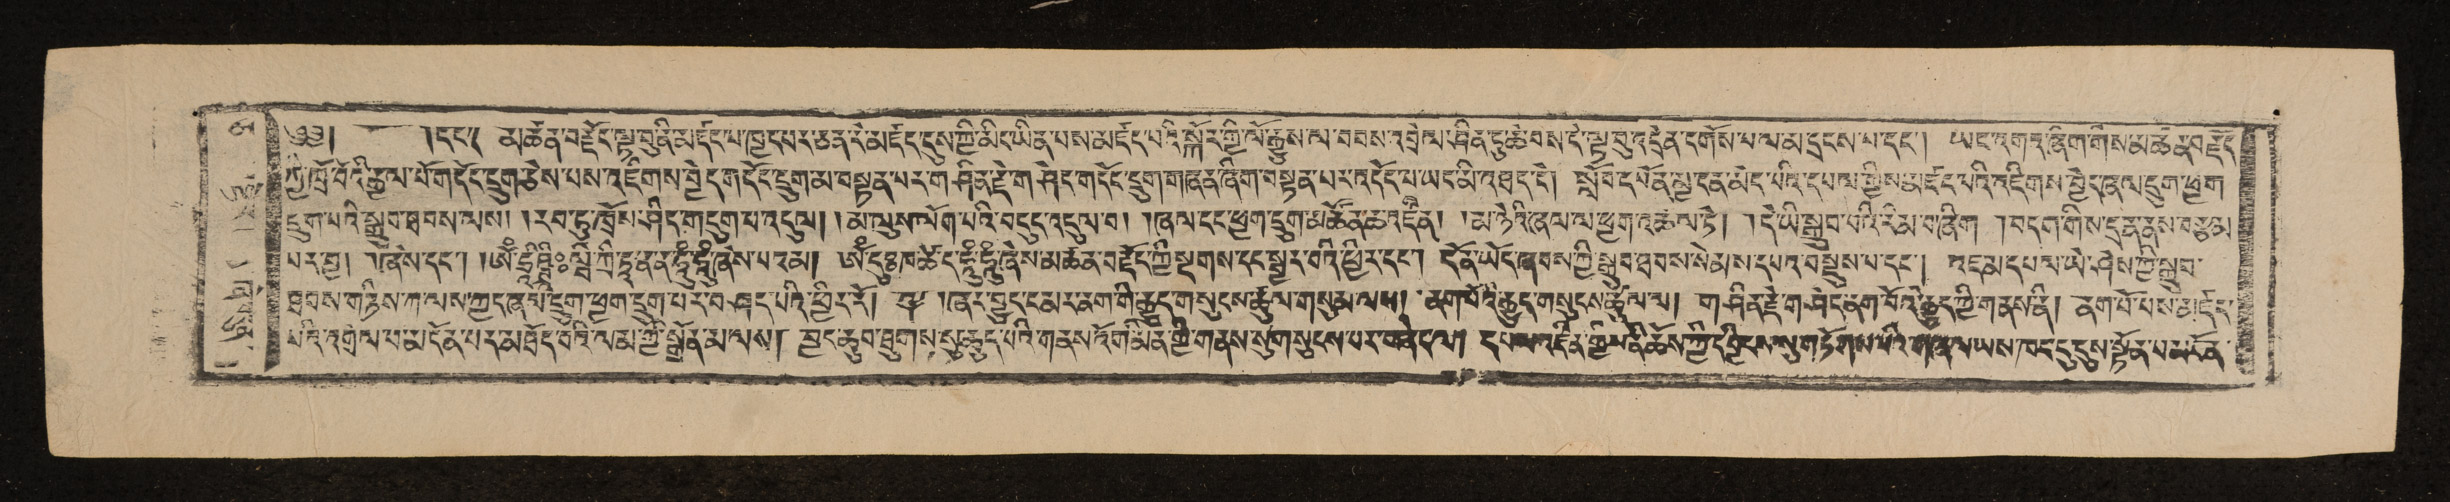༄༅། །དང༑ མཚན་བརྗོད་ལྟ་བུ་ནི་མཛད་པ་ཁྱད་པར་ཅན་རེ་མཛད་དུས་ཀྱི་མིང་ཡིན་པས་མཛད་པའི་སྐོར་གྱི་ལོ་རྒྱུས་ལ་བབས་འབྲེལ་ཤིན་ཏུ་ཆེ་བས་དེ་ལྟ་བུ་འདྲེན་དགོས་པ་ལམ་དྲངས་པ་དང་། ཡང་འགལ་ཞིག་གིས་མཚན་བརྗོད་
ཀྱི་ཁྲོ་བོའི་རྒྱལ་པོ་གདོང་དྲུག་ཅེས་པས་འཇིགས་བྱེད་གདོང་དྲུག་མ་བསྟན་པར་གཤིན་རྗེ་གཤེད་གདོང་དྲུག་གཞན་ཞིག་བསྟན་པར་འདོད་པ་ཡང་མི་འཐད་དེ་སློབ་དཔོན་མྱ་ངན་མེད་པའི་དཔལ་གྱིས་མཛད་པའི་འཇིགས་བྱེད་ཞལ་དྲུག་ཕྱག་
དྲུག་པའི་སྒྲུབ་ཐབས་ལས། རབ་ཏུ་ཁྲོས་ཤིང་གདུག་པ་འདུལ། །མ་ལུས་ལོག་པའི་བདུད་འདུལ་བ། །ཞལ་དང་ཕྱག་དྲུག་མཚོན་ཆ་འཛིན། །མ་ཧེའི་ཞལ་ལ་ཕྱག་འཚལ་ཏེ། །དེ་ཡི་སྒྲུབ་པའི་རིམ་པ་ཞིག །བདག་གིས་དྲན་ནས་བརྩམ་
པར་བྱ། །ཞེས་དང་། ཨོཾ་ཧྲཱིཥྚཱིཿཝི་ཀྲི་ཏཱ་ན་ན་ཧཱུཾ་ཧཱུཾ་ཞེས་པའམ། ཨོཾ་དུཿཁ་ཆོད་ཧཱུཾ་ཧཱུཾ་ཞེས་མཚན་བརྗོད་ཀྱི་སྔགས་དང་སྦྱར་པའི་ཕྱིར་དང་། དོན་ཡོད་ཞབས་ཀྱི་སྒྲུབ་ཐབས་སེམས་དཔའ་བསྡུས་པ་དང་། འཇམ་དཔལ་ཡེ་ཤེས་ཀྱི་སྒྲུབ་
ཐབས་གཉིས་ཀ་ལས་ཀྱང་ཞལ་དྲུག་ཕྱག་དྲུག་པར་བཤད་པའི་ཕྱིར་རོ། ༈ །ཞར་བྱུང་དམར་ནག་གི་རྒྱུད་གསུངས་ཚུལ་གསུམ་ལས། ནག་པོའི་རྒྱུད་གསུངས་ཚུལ་ལ། གཤིན་རྗེ་གཤེད་ནག་པོའི་རྒྱུད་ཀྱི་གནས་ནི། ནག་པོ་པས་མཛད་
པའི་འགྲེལ་པ་མངོན་པར་མཐོང་བའི་ལམ་གྱི་སྒྲོན་མ་ལས། བྱང་ཆུབ་ཐུགས་སུ་ཆུང་པའི་གནས་འོག་མིན་གྱི་གནས་སུ་གསུངས་པར་བཞེད་ལ། དཔལ་འཛིན་གྱིས་ནི་ཆོས་ཀྱི་དབྱིངས་སུ་གཏོགས་པའི་གཞལ་ཡས་ཁང་དུ་དུས་སྟོན་པ་མངོན་